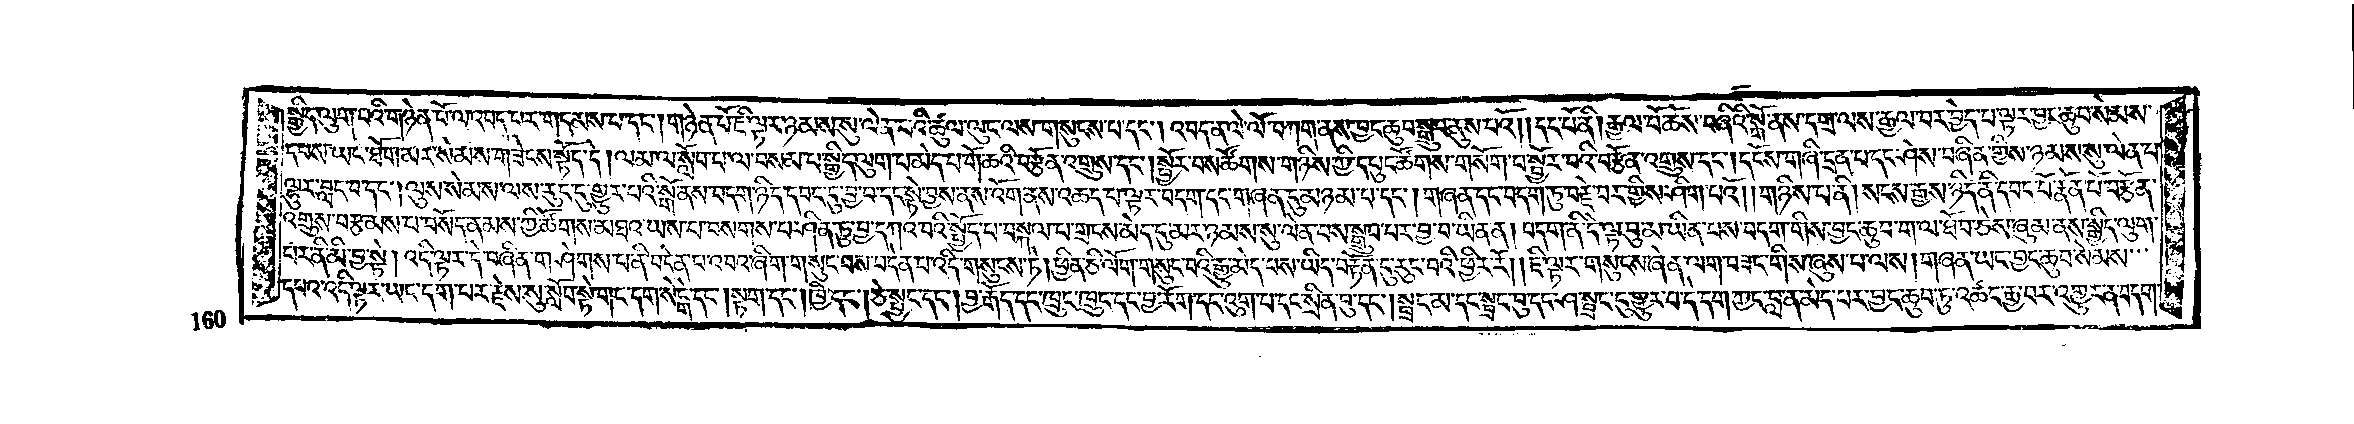སྒྱིད་ལུག་པའི་གཉེན་པོ་ལ་འབད་པར་གདམས་པ་དང་། གཉེན་པོ་ཇི་ལྟར་ཉམས་སུ་ལེན་པའི་ཚུལ་།ལུང་ལས་གསུངས་པ་དང་། འབད་ན་ལེ་ལོ་བཀག་ནས་བྱང་ཆུབ་སྒྲུབ་ནུས་པའོ། །དང་པོ་ནི། རྒྱལ་པོ་ཆོས་བཞིའི་སྒོ་ནས་དགྲ་ལས་རྒྱལ་བར་བྱེད་པ་ལྟར་བྱང་ཆུབ་སེམས་
དཔས་ཡང་ཐོག་མར་སེམས་གཟེངས་སྟོད་དེ། ལམ་ལ་སློབ་པ་ལ་བསམ་པ་སྒྱིད་ལུག་པ་མེད་པ་གོ་ཆའི་བརྩོན་འགྲུས་དང་། སྦྱོར་བས་ཚོགས་གཉིས་ཀྱི་དཔུང་ཚོགས་གསོག་པ་སྦྱོར་བའི་བརྩོན་འགྲུས་དང་། དངོས་གཞི་དྲན་པ་དང་ཤེས་བཞིན་གྱིས་ཉམས་སུ་ལེན་པ་
ལྷུར་བླང་བ་དང་། ལུས་སེམས་ལས་རུང་དུ་གྱུར་པའི་སྒོ་ནས་བདག་ཉིད་དབང་དུ་བྱ་བ་དང་སྟེ་བྱས་ནས་འོག་ནས་འཆད་པ་ལྟར་བདག་དང་གཞན་དུ་མཉམ་པ་དང་། གཞན་དང་བདག་ཏུ་བརྗེ་བར་གྱིས་ཤིག་པའོ། །གཉིས་པ་ནི། སངས་རྒྱས་ཉིད་ནི་དབང་པོ་རྣོན་པོ་བརྩོན་
འགྲུས་བརྩམས་པ་བསོད་ནམས་ཀྱི་ཚོགས་མཐའ་ཡས་པ་བསགས་པ་ཤིན་ཏུ་བྱ་དཀའ་བའི་སྤྱོད་པ་བསྐལ་པ་གྲངས་མེད་དུ་མར་ཉམས་སུ་ལེན་པས་སྒྲུབ་པར་བྱ་བ་ཡིན་ན། བདག་ནི་དེ་ལྟ་བུ་མ་ཡིན་པས་བདག་གིས་བྱང་ཆུབ་ག་ལ་ཐོབ་ཅེས་ཞུམ་ནས་སྒྱིད་ལུག་
པར་ནི་མི་བྱ་སྟེ། འདི་ལྟར་དེ་བཞིན་གཤེགས་པ་ནི་བདེན་པ་འབའ་ཞིག་གསུང་པས་བདེན་པ་འདི་གསུང་ཏེ། ཕྱིན་ཅི་ལོག་གསུང་པའི་རྒྱུ་མེད་པས་ཡིད་བརྟོན་དུ་རུང་བའི་ཕྱིར་རོ། །ཇི་ལྟར་གསུངས་ཞེན་ལག་བཟང་གིས་ཞུས་པ་ལས། གཞན་ཡང་བྱང་ཆུབ་སེམས་
དཔའ་འདི་ལྟར་ཡང་དག་པར་རྗེས་སུ་སློབ་སྟེ་གང་དག་སེངགེ་དང་། སྟག་དང་། ཁྱི་དང་། ཅེ་སྦྱང་དང་། བྱ་རྒོད་དང་ཁྲུང་ཁྲུང་དང་བྱ་རོག་དང་འུག་པ་དང་སྲིན་བུ་དང་། སྦྲང་མ་དང་སྦྲང་བུ་དང་ཤ་སྦྲང་དུ་གྱུར་པ་དེ་དག་ཀྱང་བླ་ན་མེད་པར་བྱང་ཆུབ་ཏུ་འཚང་རྒྱ་བར་འགྱུར་ན་བདག་